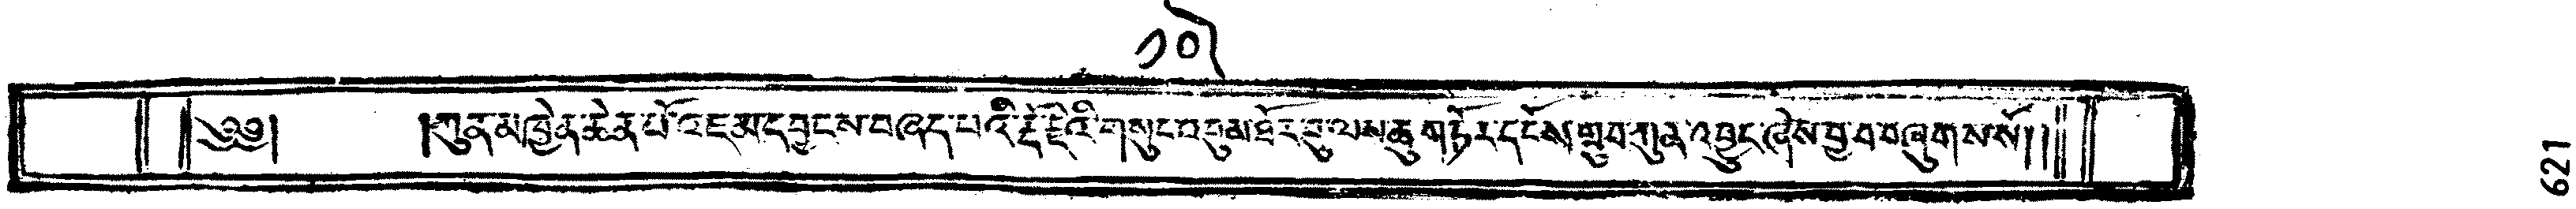༄༅། །ཀུན་མཁྱེན་ཆེན་པོ་འཇམ་དབྱངས་བཞད་པའི་རྡོ་རྗེའི་གསུང་འབུམ་ཐོར་བུ་ལས་ཆུ་གཏོར་དངོས་གྲུབ་ཀུན་འབྱུང་ཞེས་བྱ་བ་བཞུགས་སོ། །